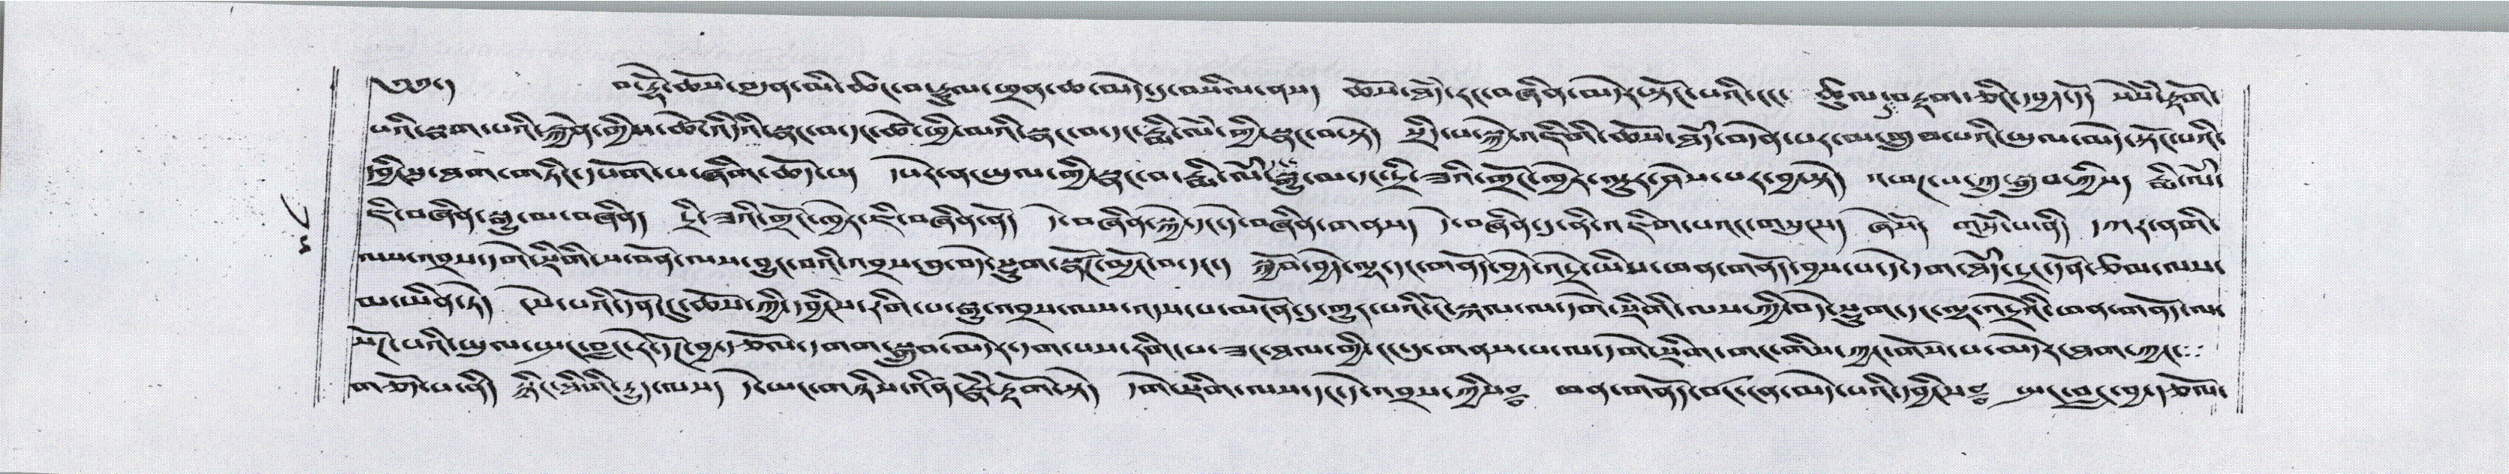བ་རྡོ་རྗེ་ཆོས་བདུན་མི་ཚང་བ་རྡུལ་ཕྲན་ཆ་མེད་དུ་བསིལ་ནས། ཆོས་ཐམས་ཅད་རང་བཞིན་མེད་པར་སྟོང་པའི་ངང་ཚུལ་དུ་བརྟག་ཅིང་དཔྱད་དོ། སེམས་རྟོག་
པའི་སྣག་པའི་རྐྱེན་གྱིས་ཚེ་འདིའི་སྣང་བ་དང་ཚེ་ཕྱི་མའི་སྣང་བ་དང་རྨི་ལམ་གྱི་སྣང་བ་སྟེ། སྲིད་པ་སྐྱེ་འཇིག་གི་ཆོས་ཐམས་ཅད་བདེན་པར་མ་གྲུབ་པའི་ཡུལ་མེད་སྟོང་པའི་
དབྱིངས་སུ་ཐག་གཏིང་དཔོག་པ་ཞིག་ཆོད་པ། དཔེར་ན་ཡུལ་གྱི་སྣང་བ་རྨི་ལམ་དང་སྒྱུ་མ་དང་དྲི་ཟའི་གྲོང་ཁྱེར་ལྟ་བུར་ཤེས་པར་བྱ་སྟེ། འཕགས་པ་ཀླུ་སྒྲུབ་ཀྱིས། རྨི་ལམ་
ཇི་བཞིན་སྒྱུ་མ་བཞིན། དྲི་ཟའི་གྲོང་ཁྱེར་ཇི་བཞིན་ནོ། དེ་བཞིན་སྐྱེ་དང་དེ་བཞིན་གནས། དེ་བཞིན་དུ་ནི་འཇིག་པའང་གསུངས། ཞེས་སོ། གསུམ་པ་ནི། དཀར་ནག་གི་
ལས་འབྲས་དགེ་སྡིག་གི་ས་བོན་ལས་བྱུང་བའི་འབྲས་བུ་བདེ་སྡུག་སྣ་ཚོགས་མྱོང་བ་དང། སྐྱོབ་བྱེད་ལྷ་དང་གནོད་བྱེད་འདྲེ་ཡིས་ཕན་གནོད་བྱས་པ་དེ་དག་ཐམས་ཅད་དྲང་དོན་ཙམ་ལས་
མ་ཡིན་ཏེ། ངེས་པའི་དོན་དུ་ཆོས་ཀྱི་དབྱིངས་རིག་པ་སྒྱུ་འབྲས་ལས་འདས་པ་མངོན་དུ་གྱུར་པའི་ངོ་སྐལ་ལ་དགེ་སྡིག་ལས་ཀྱི་བདེ་སྡུག་དང་ལྷ་འདྲེའི་ཕན་གནོད་ལ་
སོགས་པའི་ཡུལ་སྤང་བླང་རེ་དོགས་བྱ་རྩོལ་དགག་སྒྲུབ་མེད་པར་དག་པས་རིག་པ་ཟང་ཐལ་གྱི་ངང་དུ་གནས་པ་ལ་དགེ་སྡིག་གང་གིས་ཀྱང་གོས་པ་མེད་པར་ཐག་ཀྱང་
གཅོད་པ་ནི། སྙིང་ཐིག་གི་རྒྱུད་ལས། དེ་ཡང་གཉིས་འཛིན་རྣམ་རྟོག་སྟེ། དགེ་སྡིག་ལས་དང་དེ་འབྲས་ཀྱིསཿ ཕན་གནོད་བཟང་ངན་མེད་པའི་དབྱིངསཿ སྤང་བླང་བྱ་རྩོལ་